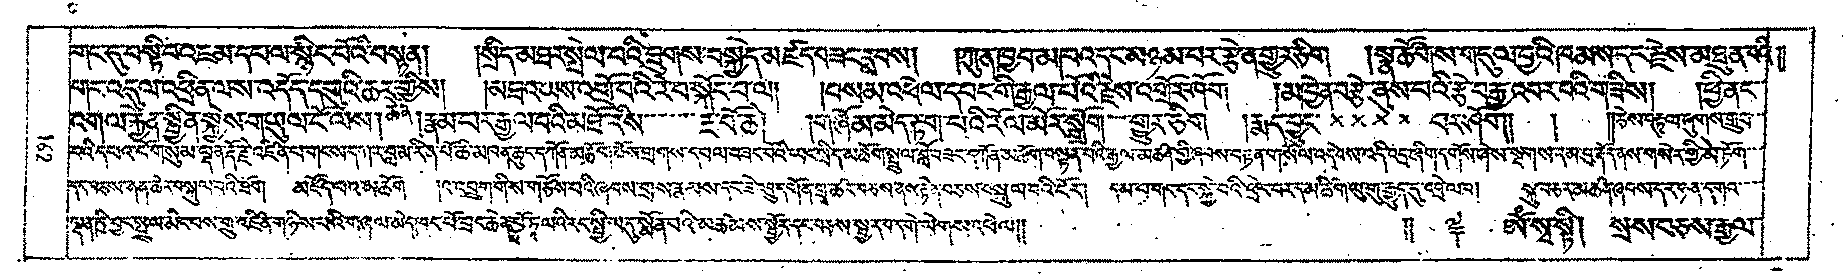གང་དུ་བསྟི་བ་འཇམ་དཔལ་སྙིང་པོའི་བསྟན། །སྲིད་མཐར་སྤེལ་བའི་ཐུགས་བསྐྱེད་མཛད་བཟང་རླབས། །ཀུན་ཁྱབ་མཁའ་དང་མཉམ་པར་རྩེན་གྱུར་ཅིག །སྣ་ཚོགས་གདུལ་བྱའི་ཁམས་དང་རྗེས་མཐུན་པའི།།
གང་འདུལ་འཕྲིན་ལས་འདོད་དགུའི་ཆར་ཆེན་གྱིས། །མཐའ་ཡས་འགྲོ་བའི་རེ་བ་སྐོང་བ་ལ། །བསམ་འཕེལ་དབང་གི་རྒྱལ་པོའི་རྗེས་འགྲོར་ཤོག །མཁྱེན་བརྩེ་ནུས་པའི་རྩེ་བརྒྱ་འབར་བའི་གཟིས། །ཕྱི་ནང་
འགལ་རྐྱེན་སྦྱིན་སྐྱེས་གཡུལ་ངོ་ལས། །རྣམ་པར་རྒྱལ་བའི་མཐོ་རིས་རྔ་བོ་ཆེ། །གཞོམ་མེད་རྟག་པའི་རོལ་མོར་སྒྲོག་གྱུར་ཅིག །རྨད་བྱུང་྾་྾་྾་྾་པར་ཤོག ། །།ཅེས་བརྟུལ་ཞུགས་གྲུབ་
པའི་དཔའ་བོ་གསུམ་ལྡན་རྡོ་རྗེ་འཛིན་པ་གངས་དཀར་བླ་མ་རིན་པོ་ཆེ་མཁན་ཆུང་དཀོན་མཆོག་ཆོས་གྲགས་དཔལ་བཟང་པོའི་ཡང་སྲིད་མཆོག་སྤྲུལ་བློ་བཟང་དཀོན་མཆོག་བསྟན་པའི་རྒྱལ་མཚན་གྱི་ཞབས་བརྟན་གསོལ་འདེབས་འདི་འདྲ་ཞིག་དགོས་ཞེས་སྔགས་རམ་བུ་རྡོར་ནས་གསེར་གྱི་མེ་ཏོག་
དང་བཅས་ནན་ཆེར་བསྐུལ་བའི་ཐོག །མཛོད་པའི་མཆོག །འ་འབྲུག་གིས་གཙོས་པའི་ཞབས་གྲས་རྣམས་དང་ཟེ་འབྲུ་དགོན་གྲྭ་ཚང་བཅས་ནས་རྟེན་བཅས་བསྐུལ་བའི་ངོར། དམ་པ་གང་དང་སྐྱེ་བའི་ཕྲེང་བར་དམ་ཚིག་ལུ་གུ་རྒྱུད་དུ་འབྲེལ་བ། སྐུ་བཅར་མཚན་ཞབས་དར་ཧན་དགའ་
ལྡན་ཁྲི་བྱང་མིང་པས་གྲུ་འཛིན་གཉིས་པའི་གཞལ་མེད་ཁང་ཕོ་བྲང་ཆེན་པོ་པོ་ཏཱ་ལའི་རང་སྤྱི་ལ་དུ་སྨོན་པའི་མཚམས་སྦྱོར་དང་བཅས་སྦྱར་བ་དགེ་ལེགས་འཕེལ།། །། ཨོཾ་སྭ་སྟི། སྲས་བཅས་རྒྱལ་